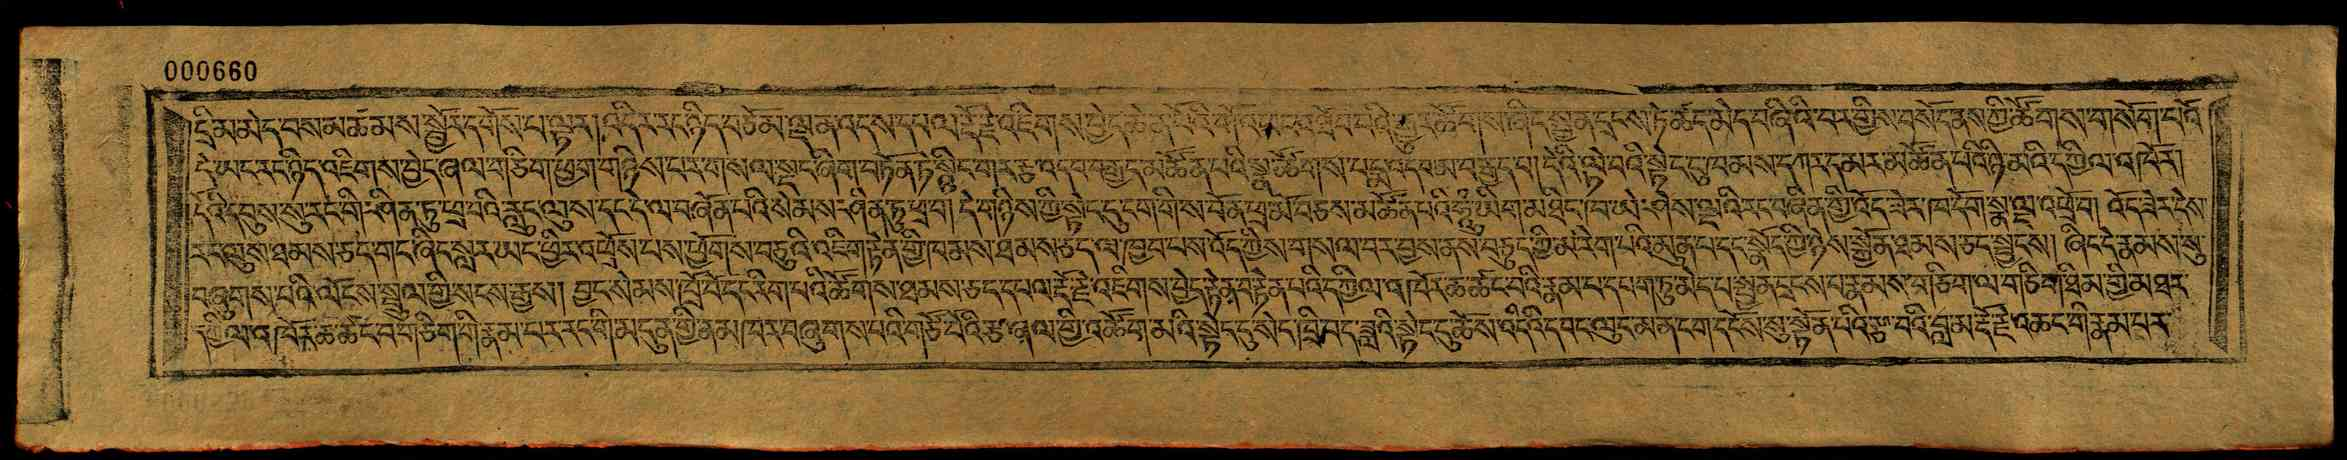དྲི་མ་མེད་པས་མཚམས་སྦྱོར་དགོས་པ་ལྟར། འདིར་རང་ཉིད་བཅོམ་ལྡན་འདས་དཔལ་རྡོ་རྗེ་འཇིགས་བྱེད་ཆེན་པོའི་གོ་འཕང་འཐོབ་པའི་རྒྱུར་ཚོགས་ཞིང་སྦྱན་དྲངས་ཏེ་ཚད་མེད་བཞིའི་བར་གྱིས་བསོད་ནམས་ཀྱི་ཚོགས་གསོག་པའོ།།
དེ་ཡང་རང་ཉིད་འཇིགས་བྱེད་ཞལ་གཅིག་ཕྱག་གཉིས་པར་གསལ་སྣང་ཞིག་བཏོན་ཏེ་སྙིང་གར་རྩ་འདབ་བརྒྱད་མཚོན་པའི་སྣ་ཚོགས་པདམ་འདབ་མ་བརྒྱད་པ། དེའི་ལྟེ་བའི་སྟེང་དུ་ཁམས་དཀར་དམར་མཚོན་པའི་ཉི་མའི་དཀྱིལ་འཁོར།
དེའི་དབུས་སུ་རང་གི་ཤིན་ཏུ་ཕྲ་བའི་རླུང་ལུས་དང་དེ་ལ་བཞོན་པའི་སེམས་ཤིན་ཏུ་ཕྲ་བ། དེ་གཉིས་ཀྱི་སྟེང་དུ་ངག་གི་ས་བོན་ཕྲ་མོ་བཅས་མཚོན་པའི་ཧཱུཾ་ཡིག་མཐིང་ཁ་ཡེ་ཤེས་ལྔའི་རང་བཞིན་གྱི་འོད་ཟེར་ཁ་དོག་སྣ་ལྔ་འཕྲོ་བ། འོད་ཟེར་དེས་
རང་ལུས་ཐམས་ཅད་གང་ཞིང་སླར་ཡང་ཕྱིར་འཕྲོས་པས་ཕྱོགས་བཅུའི་འཇིག་རྟེན་གྱི་ཁམས་ཐམས་ཅད་ལ་ཁྱབ་པས་འོད་ཀྱིས་གསལ་བར་བྱས་ནས་བཅུད་ཀྱི་མ་རིག་པའི་མུན་པ་དང་སྣོད་ཀྱི་ཉེས་སྐྱོན་ཐམས་ཅད་སྦྱངས། ཞིང་དེ་རྣམས་སུ་
བཞུགས་པའི་ལོངས་སྤྲུལ་གྱི་སངས་རྒྱས། བྱང་སེམས་ཁྲོ་བོ་དང་རིག་པའི་ཚོགས་ཐམས་ཅད་དཔལ་རྡོ་རྗེ་འཇིགས་བྱེད་རྟེན་བརྟེན་པའི་དཀྱིལ་འཁོར་ཆ་ཚང་བའི་རྣམ་པ་དཔག་ཏུ་མེད་པ་སྤྱན་དྲངས་པ་རྣམས་གཅིག་ལ་གཅིག་ཐིམ་གྱི་མཐར་
དཀྱིལ་འཁོར་ཆ་ཚང་བ་གཅིག་གི་རྣམ་པར་རང་གི་མདུན་གྱི་ནམ་མཁར་བཞུགས་པའི་གཙོ་བོའི་རྩ་ཞལ་གྱི་འཚོག་མའི་སྟེང་དུ་སེང་ཁྲི་པད་ཟླའི་སྟེང་དུ་ཆོས་འདིའི་དབང་ལུང་མན་ངག་དངོས་སུ་སྟོན་པའི་རྩ་བའི་བླ་མ་རྡོ་རྗེ་འཆང་གི་རྣམ་པར་